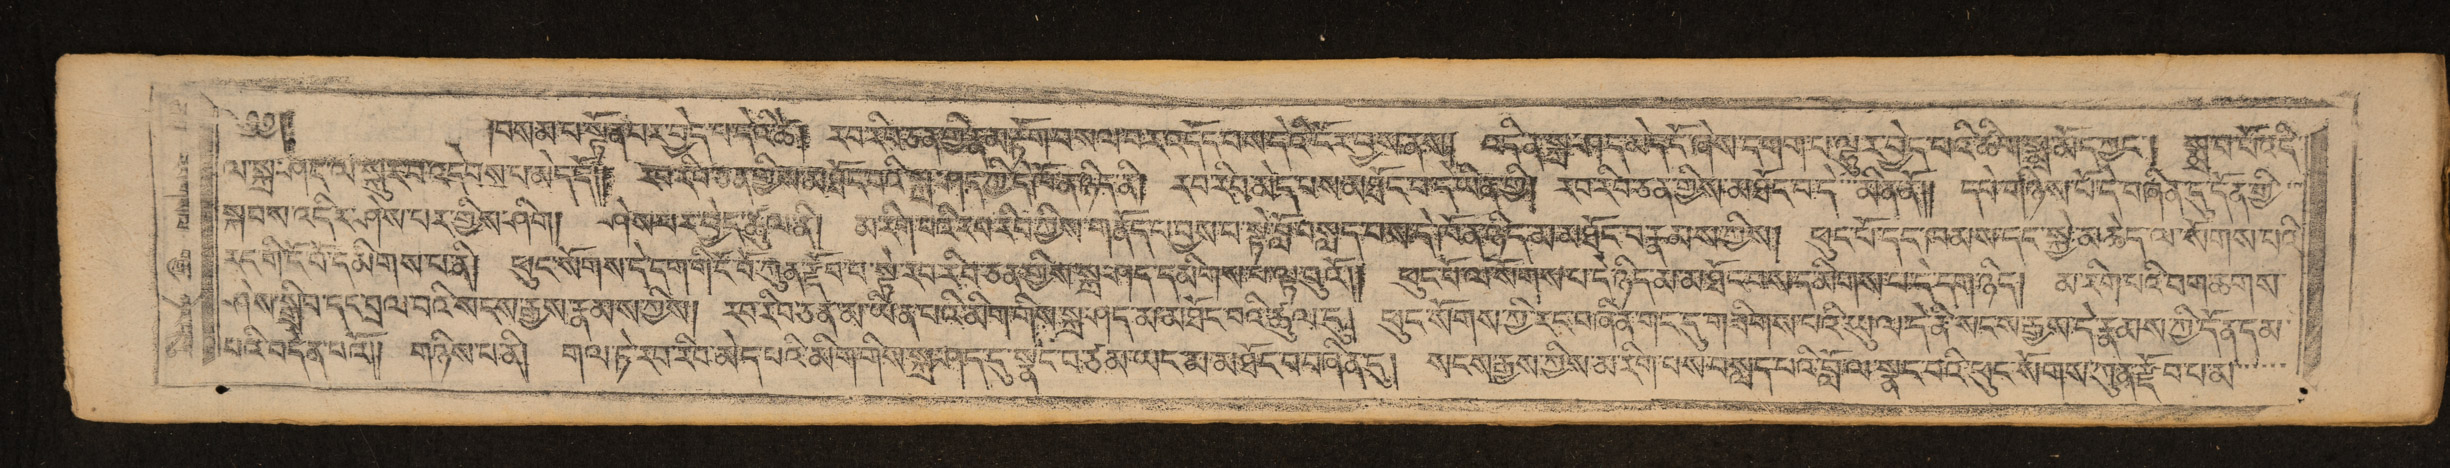༄༅། །བསམ་པ་སྟོན་པར་བྱེད་པ་དེའི་ཚེ། རབ་རིབ་ཅན་གྱི་རྣམ་རྟོག་བསལ་བར་འདོད་པས་དེའི་ངོར་བྱས་ནས། འདི་ནི་སྐྲ་ཤད་མེད་དོ་ཞེས་དགག་པ་ལྷུར་བྱེད་པའི་ཚིག་སྨྲ་མོད་ཀྱང་། སྨྲ་བ་པོ་འདི་
ལ་སྐྲ་ཤད་ལ་སྐུར་བ་འདེབས་པ་མེད་དོ།། རབ་རིབ་ཅན་གྱིས་མཐོང་བའི་སྐྲ་ཤད་ཀྱི་དེ་ཁོ་ན་ཉིད་ནི། རབ་རིབ་མེད་པས་མཐོང་བ་དེ་ཡིན་གྱི། རབ་རིབ་ཅན་གྱིས་མཐོང་བ་དེ་མིན་ནོ།། དཔེ་གཉིས་པོ་དེ་བཞིན་དུ་དོན་གྱི་
སྐབས་འདིར་ཤེས་པར་གྱིས་ཤིག། ཤེས་པར་བྱེད་ཚུལ་ནི། མ་རིག་པའི་རབ་རིབ་ཀྱིས་གནོད་པ་བྱས་པ་སྟེ་བློ་བསླད་པས་དེ་ཁོ་ན་ཉིད་མ་མཐོང་བ་རྣམས་ཀྱིས། ཕུང་པོ་དང་ཁམས་དང་སྐྱེ་མཆེད་ལ་སོགས་པའི་
རང་གི་ངོ་བོ་དམིགས་པ་ནི། ཕུང་སོགས་དེ་དག་གི་ངོ་བོ་ཀུན་རྫོབ་པ་སྟེ་རབ་རིབ་ཅན་གྱིས་སྐྲ་ཤད་དམིགས་པ་ལྟ་བུའོ།། ཕུང་པོ་ལ་སོགས་པ་དེ་ཉིད་མ་མཐོང་བས་དམིགས་པ་དེ་དག་ཉིད། མ་རིག་པའི་བག་ཆགས་
ཤེས་སྒྲིབ་དང་བྲལ་བའི་སངས་རྒྱས་རྣམས་ཀྱིས། རབ་རིབ་ཅན་མ་ཡིན་པའི་མིག་གིས་སྐྲ་ཤད་མ་མཐོང་བའི་ཚུལ་དུ། ཕུང་སོགས་ཀྱི་རང་བཞིན་གང་དུ་གཟིགས་པའི་ཡུལ་དེ་ནི་སངས་རྒྱས་དེ་རྣམས་ཀྱི་དོན་དམ་
པའི་བདེན་པའོ།། གཉིས་པ་ནི། གལ་ཏེ་རབ་རིབ་མེད་པའི་མིག་གིས་སྐྲ་ཤད་དུ་སྣང་བ་ཙམ་ཡང་མ་མཐོང་བ་བཞིན་དུ། སངས་རྒྱས་ཀྱིས་མ་རིག་པས་བསླད་པའི་བློ་ལ་སྣང་བའི་ཕུང་སོགས་ཀུན་རྫོབ་པ་མ་